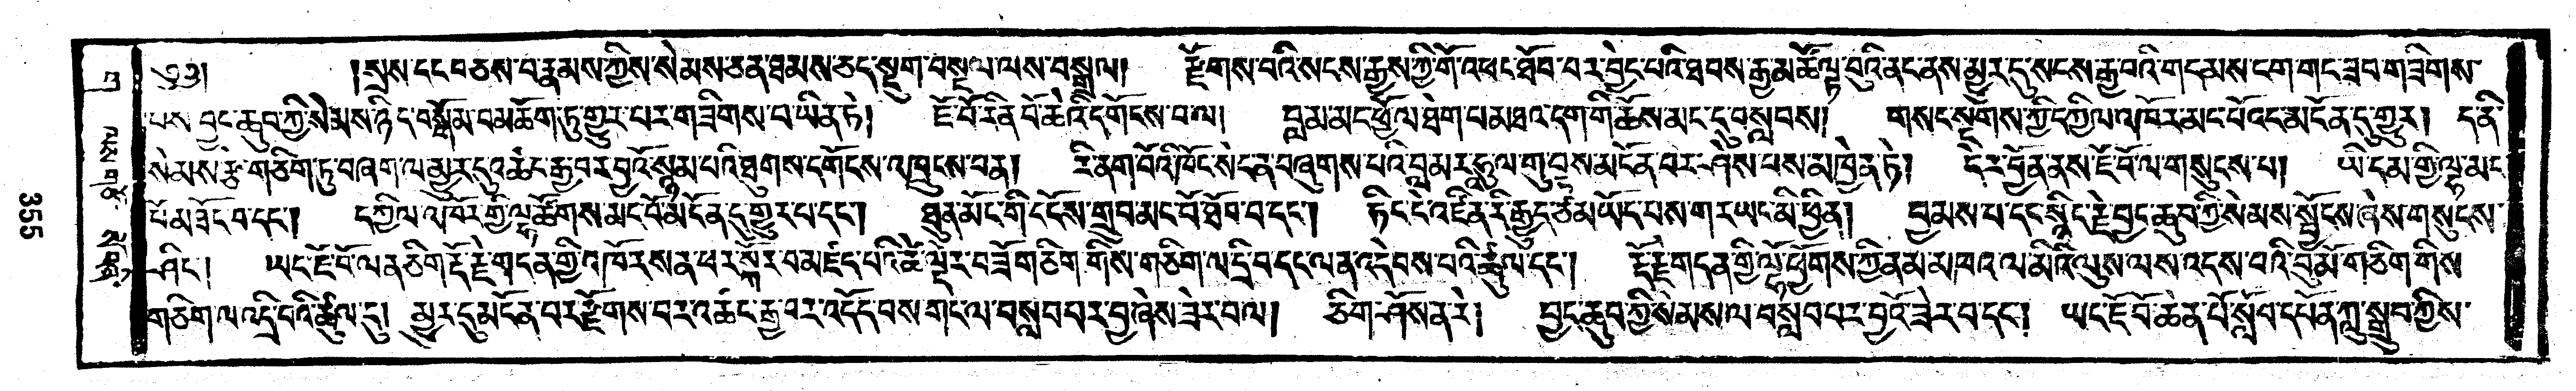༄༅། །སྲས་དང་བཅས་བ་རྣམས་ཀྱིས་སེམས་ཅན་ཐམས་ཅད་སྡུག་བསྔལ་ལས་བསྒྲལ། རྫོགས་བའི་སངས་རྒྱས་ཀྱི་གོ་འཕང་ཐོབ་བར་བྱེད་པའི་ཐབས་རྒྱ་མཚོ་ལྟ་བུའི་ནང་ནས་མྱུར་དུ་སངས་རྒྱ་བའི་གདམས་ངག་གང་ཟབ་གཟིགས་
པས་བྱང་ཆུབ་ཀྱི་སེམས་ཉིད་བསྒོམ་བ་མཆོག་ཏུ་གྱུར་པར་གཟིགས་བ་ཡིན་ཏེ། ཇོ་བོ་རིན་བོ་ཆེའི་དགོངས་བ་ལ། བླ་མ་མང་ཕྱོ་ལ་ཐེག་པ་མཐའ་དག་གི་ཆོས་མང་དུ་བསླབས། གསང་སྔགས་ཀྱི་དཀྱིལ་འཁོར་མང་པོའང་མངོན་དུ་གྱུར། ད་ནི་
སེམས་རྩེ་གཅིག་ཏུ་བཞག་ལ་མྱུར་དུ་འཚང་རྒྱ་བར་བྱའོ་སྙམ་པའི་ཐུགས་དགོངས་འཁྲུངས་པན། རི་ནག་བོའི་ཁོང་སེང་ན་བཞུགས་པའི་བླ་མ་རཱ་ཧུ་ལ་གུ་བཏས་མངོན་བར་ཤེས་པས་མཁྱེན་ཏེ། དེར་བྱོན་ནས་ཇོ་བོ་ལ་གསུངས་པ། ཡི་དམ་གྱི་ལྷ་མང་
པོ་མཐོང་བ་དང་། དཀྱིལ་འཁོར་གྱི་ལྷ་ཚོགས་མང་བོ་མངོན་དུ་གྱུར་པ་དང་། ཐུན་མོང་གི་དངོས་གྲུབ་མང་པོ་ཐོབ་བ་དང་། ཏིང་ངེ་འཛིན་རི་རྒྱུད་ཙམ་ཡོད་པས་གར་ཡང་མི་ཕྱིན། བྱམས་པ་དང་སྙིང་རྗེ་བྱང་ཆུབ་ཀྱི་སེམས་སྦྱོངས་ཞེས་གསུངས་
ཤིང་། ཡང་ཇོ་བོ་ལན་ཅིག་རྡོ་རྗེ་གདན་གྱི་འཁོར་སན་ཕར་སྐོར་བ་མཛད་པའི་ཚེ་ལྡེར་བཟོ་གཅིག་གིས་གཅིག་ལ་དྲི་བ་དང་ལན་འདེབས་པའི་ཚུལ་དང་། རྡོ་རྗེ་གདན་གྱི་ལྷོ་ཕྱོགས་ཀྱི་ནམ་མཁའ་ལ་མིའི་ལུས་ལས་འདས་པའི་བུ་མོ་གཅིག་གིས་
གཅིག་ལ་འདྲི་བའི་ཚུལ་དུ། མྱུར་དུ་མངོན་པར་རྫོགས་བར་འཚང་རྒྱ་བར་འདོད་བས་གང་ལ་བསླབ་པར་བྱ་ཞེས་ཟེར་བ་ལ། ཅིག་ཤོས་ན་རེ། བྱང་ཆུབ་ཀྱི་སེམས་ལ་བསླབ་པར་བྱའོ་ཟེར་བ་དང་། ཡང་ཇོ་བོ་ཆེན་པོ་སློབ་དཔོན་ཀླུ་སྒྲུབ་ཀྱིས་